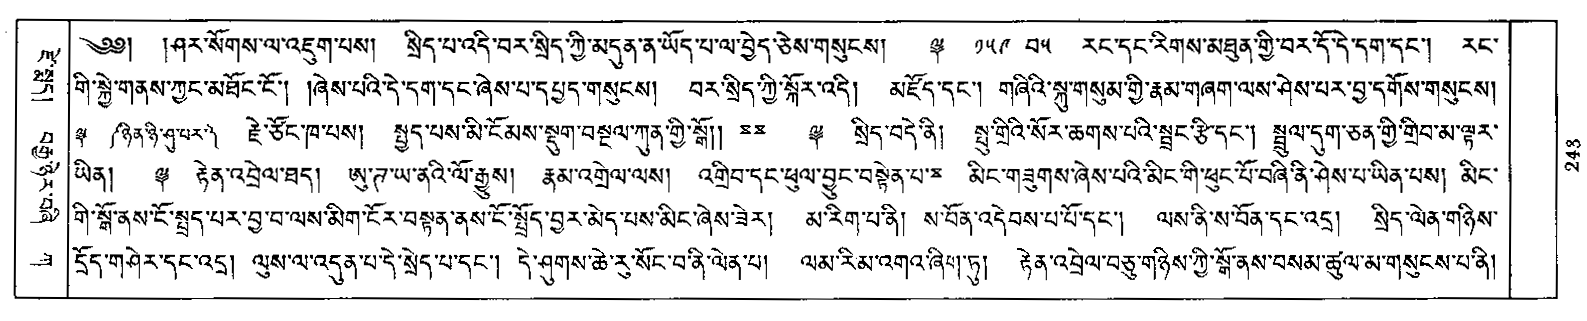༄༅། །ཤར་སོགས་ལ་འཇུག་པས། སྲིད་པ་འདི་བར་སྲིད་ཀྱི་མདུན་ན་ཡོད་པ་ལ་བྱེད་ཅེས་གསུངས། ༈ ༡༥༩་བ ༥་རང་དང་རིགས་མཐུན་གྱི་བར་དོ་དེ་དག་དང་། རང་
གི་སྐྱེ་གནས་ཀྱང་མཐོང་ངོ། །ཞེས་པའི་དེ་དག་དང་ཞེས་པ་དཔྱད་གསུངས། བར་སྲིད་ཀྱི་སྐོར་འདི། མཛོད་དང་། གཞིའི་སྐུ་གསུམ་གྱི་རྣམ་གཞག་ལས་ཤེས་པར་བྱ་དགོས་གསུངས།
༈ ཉིན་ཉི་ཤུ་པར྄་རྗེ་ཙོང་ཁ་པས། སྤྱད་པས་མི་ངོམས་སྡུག་བསྔལ་ཀུན་གྱི་སྒོ།། ྾྾་༈ སྲིད་བདེ་ནི། སྤུ་གྲིའི་སོར་ཆགས་པའི་སྦྲང་རྩི་དང་། སྦྲུལ་དུག་ཅན་གྱི་གྲིབ་མ་ལྟར་
ཡིན། ༈ རྟེན་འབྲེལ་ཐད། ཨུ་ཊ་ཡ་ནའི་ལོ་རྒྱུས། རྣམ་འགྲེལ་ལས། འགྲིབ་དང་ཕུལ་བྱུང་བསྟེན་པ་྾་མིང་གཟུགས་ཞེས་པའི་མིང་གི་ཕུང་པོ་བཞི་ནི་ཤེས་པ་ཡིན་པས། མིང་
གི་སྒོ་ནས་ངོ་སྤྲད་པར་བྱ་བ་ལས་མིག་ངོར་བསྟན་ནས་ངོ་སྤྲོད་བྱར་མེད་པས་མིང་ཞེས་ཟེར། མ་རིག་པ་ནི། ས་བོན་འདེབས་པ་པོ་དང་། ལས་ནི་ས་བོན་དང་འདྲ། སྲིད་ལེན་གཉིས་
དྲོད་གཤེར་དང་འདྲ། ལུས་ལ་འདུན་པ་དེ་སྲེད་པ་དང་། དེ་ཤུགས་ཆེ་རུ་སོང་བ་ནི་ལེན་པ། ལམ་རིམ་འགའ་ཞིག་ཏུ། རྟེན་འབྲེལ་བཅུ་གཉིས་ཀྱི་སྒོ་ནས་བསམ་ཚུལ་མ་གསུངས་པ་ནི།